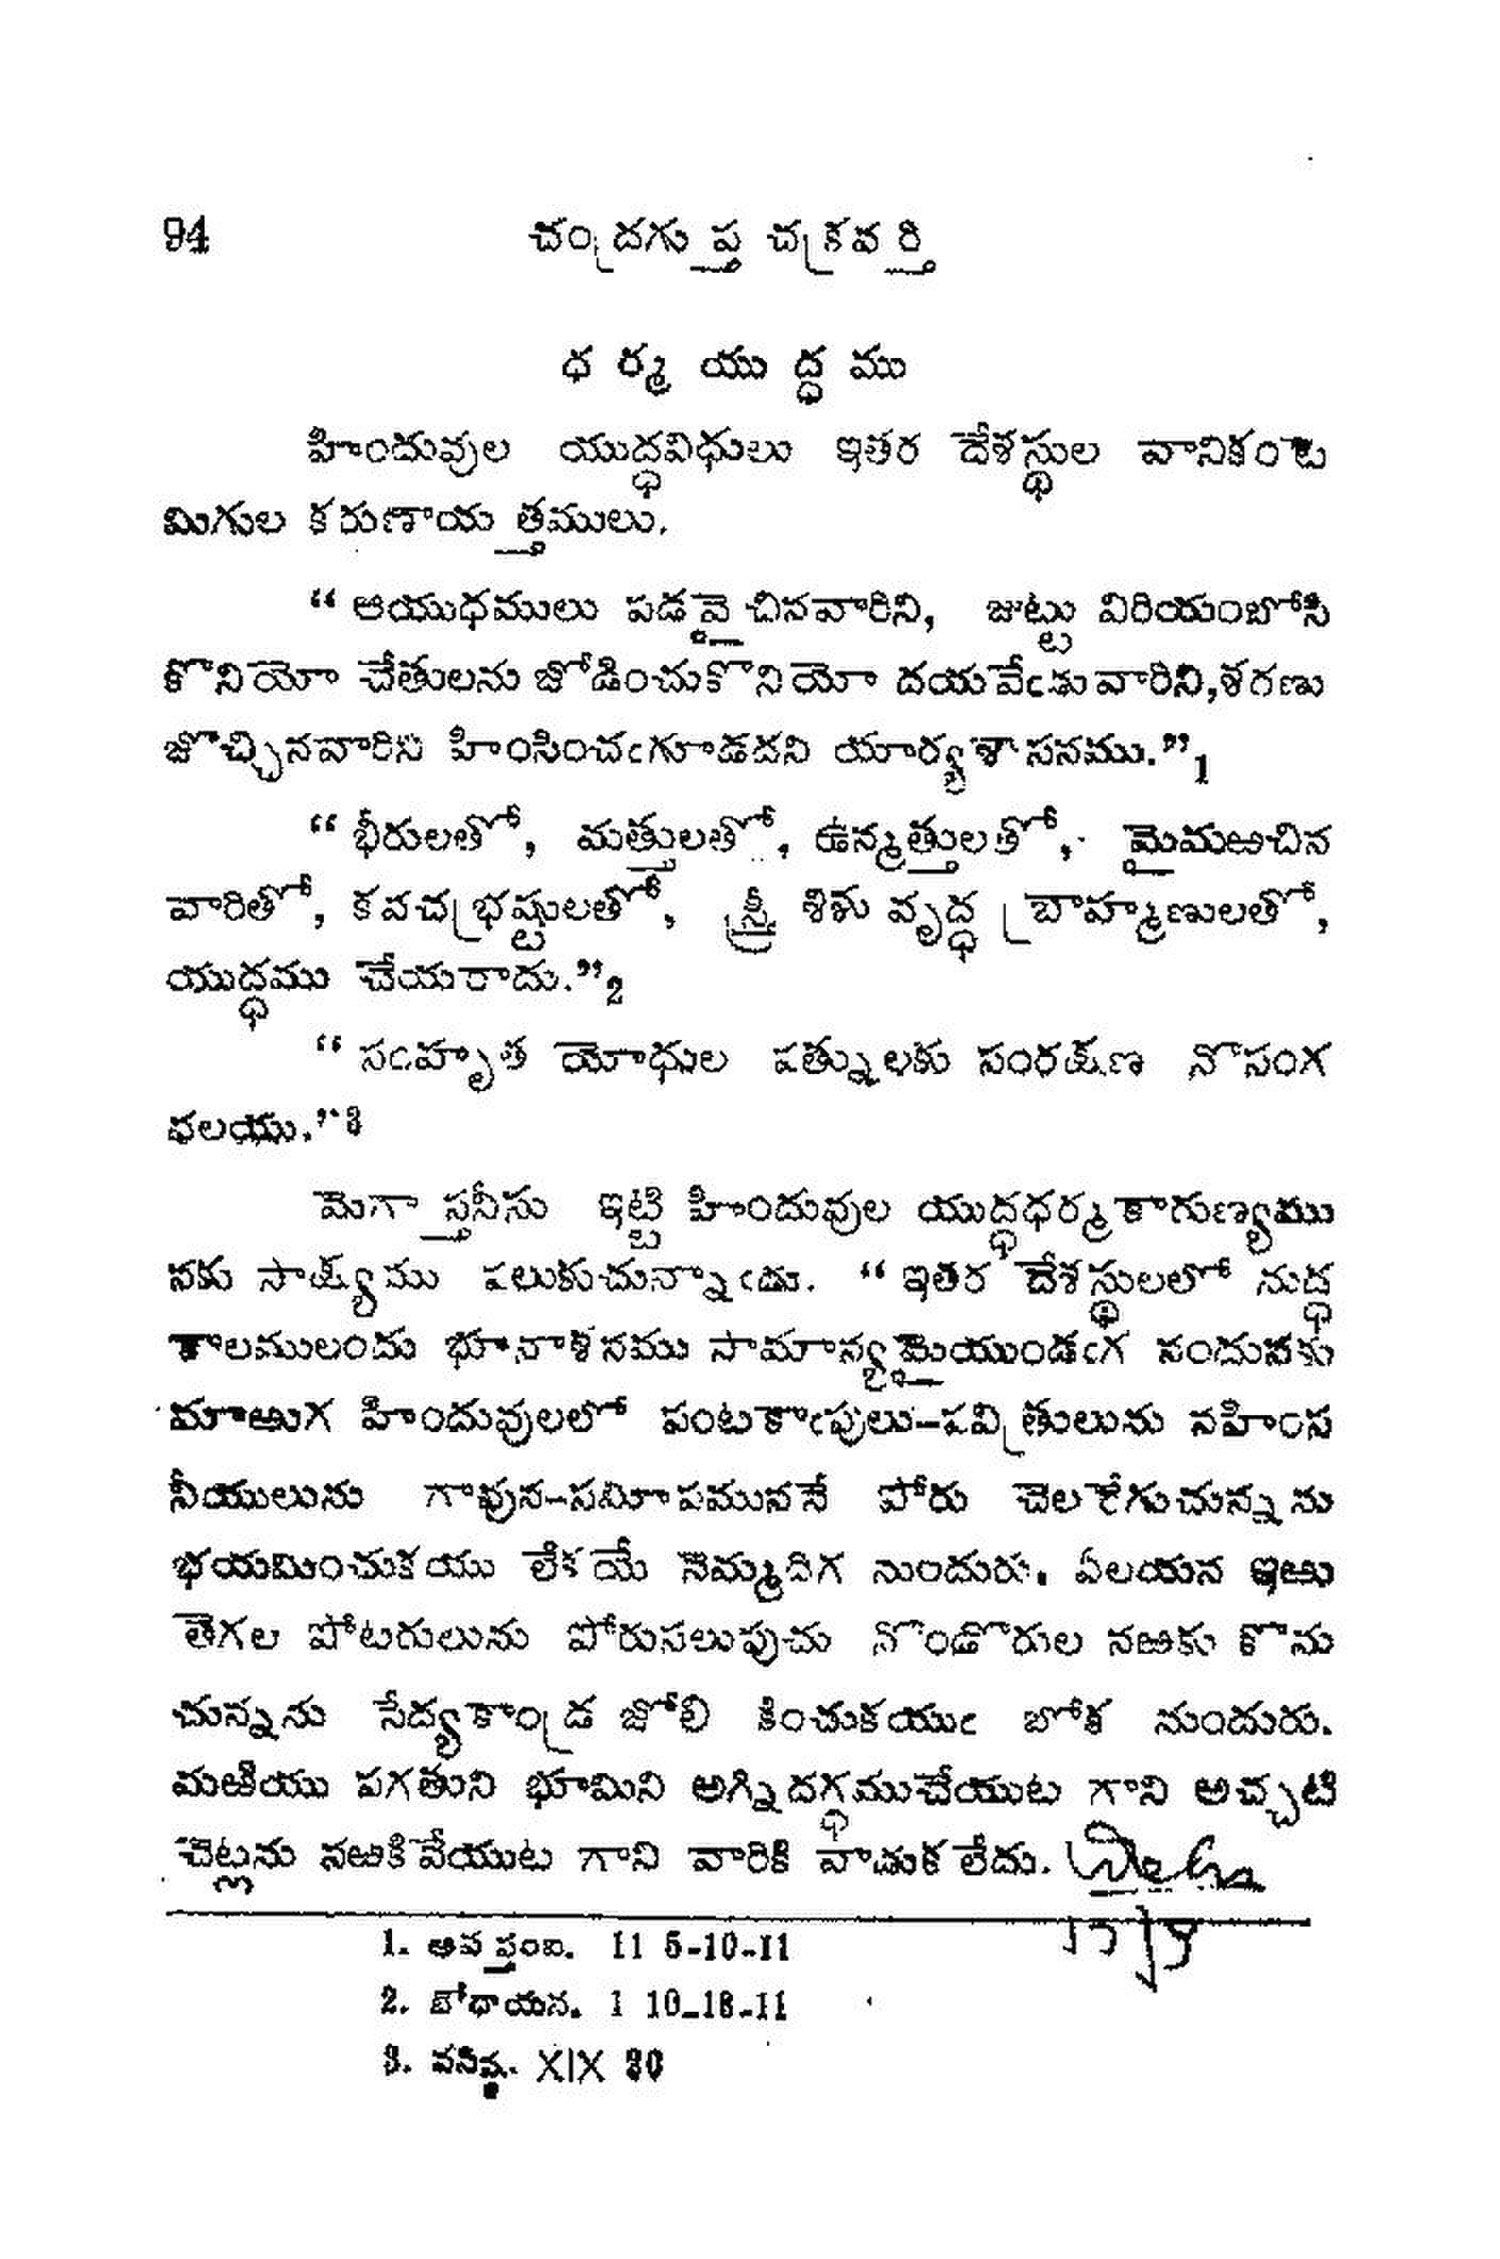ధర్మ యుద్దము 

హిందువుల యుద్ధవిధులు ఇతర దేశస్థుల వానికంటె మిగుల కరుణాయత్తములు.

"ఆయుధములు పడవైచినవారిని, జుట్టు విరియంబోసి కొనియో చేతులను జోడించుకొనియో దయవేఁడు వారిని,శరణు జొచ్చినవారిని హింసించఁగూడదని యార్యశాసనము."1

"భీరులతో, మత్తులతో, ఉన్మత్తులతో, మైమఱచిన వారితో, కవచ భ్రష్టులతో, స్త్రీ, శిశు వృద్ధ బ్రాహ్మణులతో, యుద్దము చేయరాదు."2

"సంహృత యోధుల పత్నులకు సంరక్షణ నొసంగ ఫలయు,"3

మెగాస్తనీసు ఇట్టి హిందువుల యుద్ధధర్మకారుణ్యమునకు సాక్ష్యము పలుకుచున్నాఁడు. "ఇతర దేశస్టులలో నుద్ధ కాలములందు భూనాశనము సామాన్యమైయుండఁగ నందునకు మాఱుగ హిందువులలో పంటకాఁపులు-పవిత్రులును సహింసనీయులును గావున-సమీపముననే పోరు చెలరేగుచున్నను భయమించుకయు లేకయే నెమ్మదిగ నుందురు. ఏలయన ఇఱు తెగల పోటరులును పోరుసలుపుచు నొండొరుల నఱకు కొనుచున్నను. సేద్యకాండ్ర జోలి కించుకయుఁ బోక నుందురు. మఱియు పగతుని భూమిని అగ్నిదగ్ధముచేయుట గాని అచ్చటి చెట్లను నఱకివేయుట గాని వారికి వాడుక లేదు.